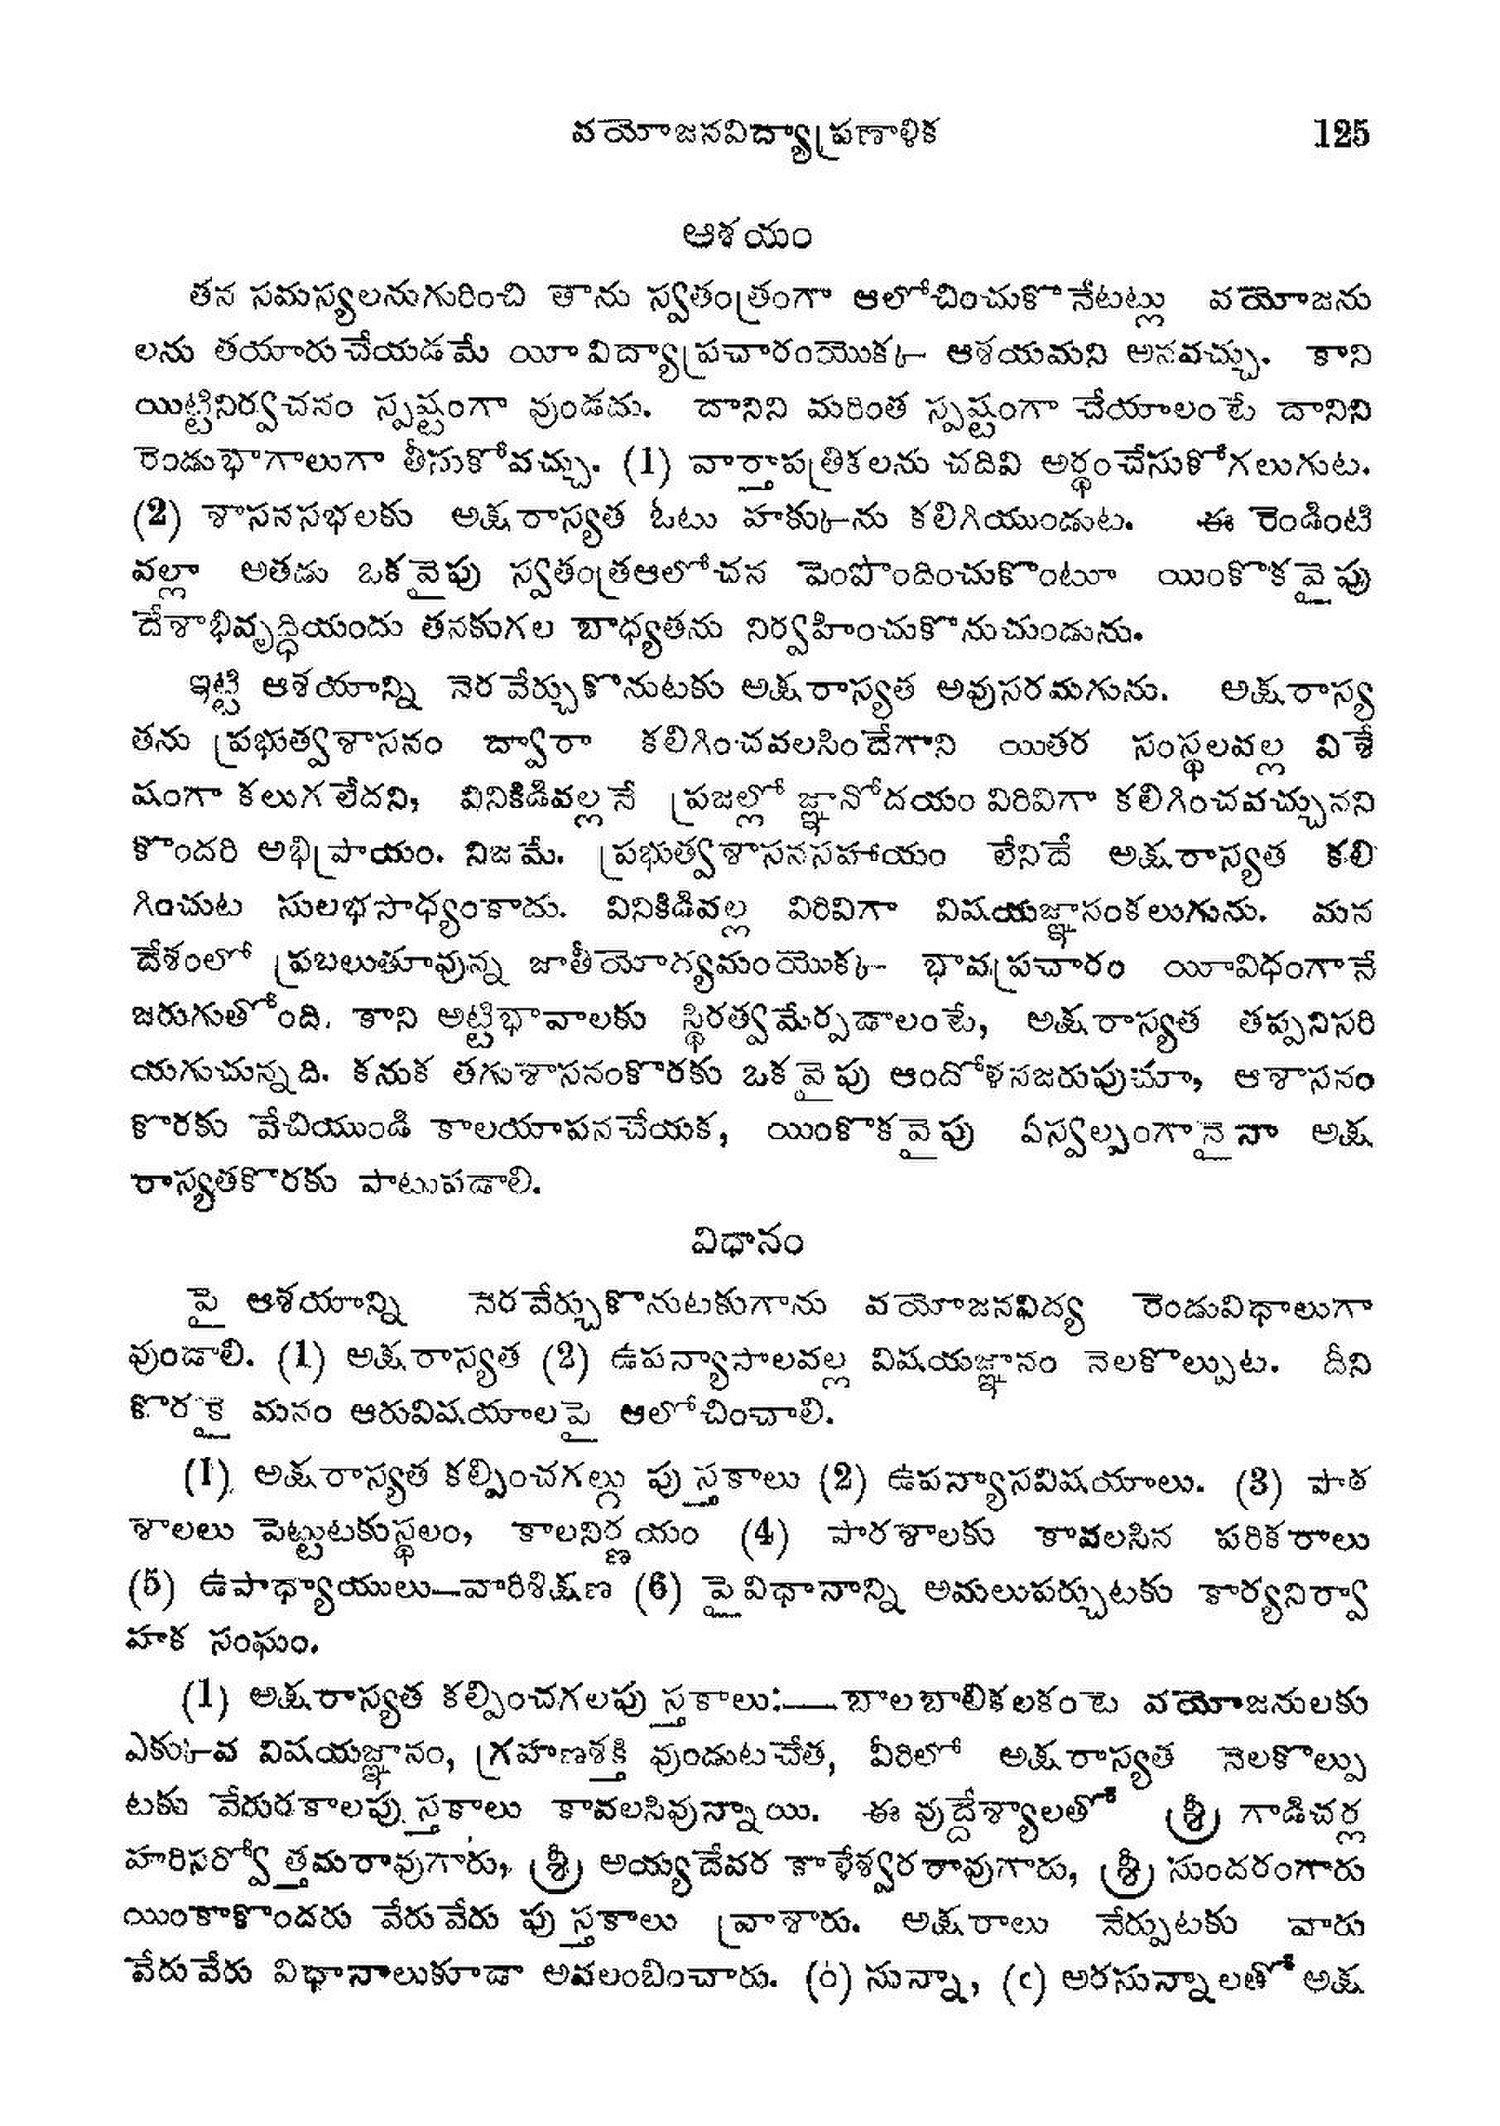తన సమస్యలను గురించి తాను స్వతంత్రంగా ఆలోచించుకోనేటట్లు వయోజనులను తయారు చేయడమే యీ విద్యాప్రచారం 
యొక్క ఆశయమని అనవచ్చు. కాని యిట్టి నిర్వచనం స్పష్టంగా వుండదు. దానిని మరింత స్పష్టంగా చేయాలంటే దానిని
రెండుభాగాలుగా తీసుకోవచ్చు. (1) వార్తాపత్రికలను చదివి అర్థం చేసుకోగలుగుట.(2) శాసనసభలకు అక్ష రాస్యత ఓటు 
హక్కును కలిగియుండుట. ఏ రెండి౦టి వల్లా అతడు ఒక వైపు స్వతంత్ర ఆలోచన పెంపొందించుకొంటూ యింకొకవైపు
దేశాభివృద్ధియందు తనకుగల బాధ్యతను నిర్వహించుకొనుచుండును.
ఈ రెండింటి
ఇట్టి ఆశయాన్ని నెర వేర్చుకొనుటకు అక్షరాస్యత అవుసరమగును. అక్షరాస్యతను ప్రభుత్వ శాసనం ద్వారా కలిగించవల-
సిందేగాని యితర సంస్థలవల్ల విశేషంగా కలుగలేదని, వినికిడివల్లనే ప్రజల్లో జ్ఞానోదయం విరివిగా కలిగించవచ్చునని
కొందరి అభిప్రాయం. నిజమే. ప్రభుత్వ శాసనసహాయం లేనిదే అక్షరాస్యత కలిగించుట సులభ సాధ్యం కాదు. వినికిడివల్ల 
విరివిగా విషయజ్ఞానం కలుగును. మన దేశంలో ప్రబలుతూవున్న జాతీయోగ్యమం యొక్క భావప్రచారం యీవిధంగానే
జరుగుతోంది. కాని అట్టిభావాలకు స్థిరత్వమేర్పడాలంటే, అక్షరాస్యత తప్పనిసరియగుచున్నది. కనుక తగుశాసనంకొరకు 
ఒకవైపు ఆందోళసజరుపుచూ, ఆశాసనంకొరకు వేచియుండి కాలయాపన చేయక, యింకొకవైపు ఏస్వల్పంగానైనా 
అక్షరాస్యతకొరకు పాటుపడాలి.

పై ఆశయాన్ని నెరవేర్చుకొనుటకుగాను వయోజనవిద్య రెండువిధాలుగా వుండాలి. (1) అక్ష రాస్యత (2) ఉపన్యాసాలవల్ల
విషయజ్ఞానం నెలకొల్పుట. దీని కొరకై మనం ఆరువిషయాలపై ఆలోచించాలి.

(1) అక్షరాస్యత కల్పించగల్గు పుస్తకాలు (2) ఉపన్యాసవిషయాలు. (8) పాఠశాలలు పెట్టుటకుస్థలం, కాలనిర్ణయం 
(4) పాఠశాలకు కావలసిన పరికరాలు (5) ఉపాధ్యాయులు—వారిశిక్షణ (6) వైవిధానాన్ని అమలుపర్చుటకు కార్యనిర్వాహక 
సంఘం.

(1) అక్షరాస్యత కల్పించగలపుస్తకాలు:- బాల బాలికలకంటే వయోజనులకు ఎక్కువ విషయజ్ఞానం, గ్రహణశక్తి వుండుట 
చేత, వీరిలో అక్షరాస్యత నెలకొల్పుటకు వేరురకాలపు స్తకాలు కావలసివున్నాయి. ఈ వుద్దేశ్యాలతో శ్రీ గాడిచర్ల శ్రీ)
హరిసర్వోత్తమరావుగారు, శ్రీ అయ్యదేవర కాళేశ్వర రావుగారు, శ్రీ సుందరంగారు యింకాకొందరు వేరు వేరు పుస్తకాలు
వ్రాశారు. అక్షరాలు నేర్పుటకు వారు వేరు వేరు విధానాలుకూడా అవలంబించారు.(౦) సున్నా, (ఁ) అరసున్నాలతో అక్ష